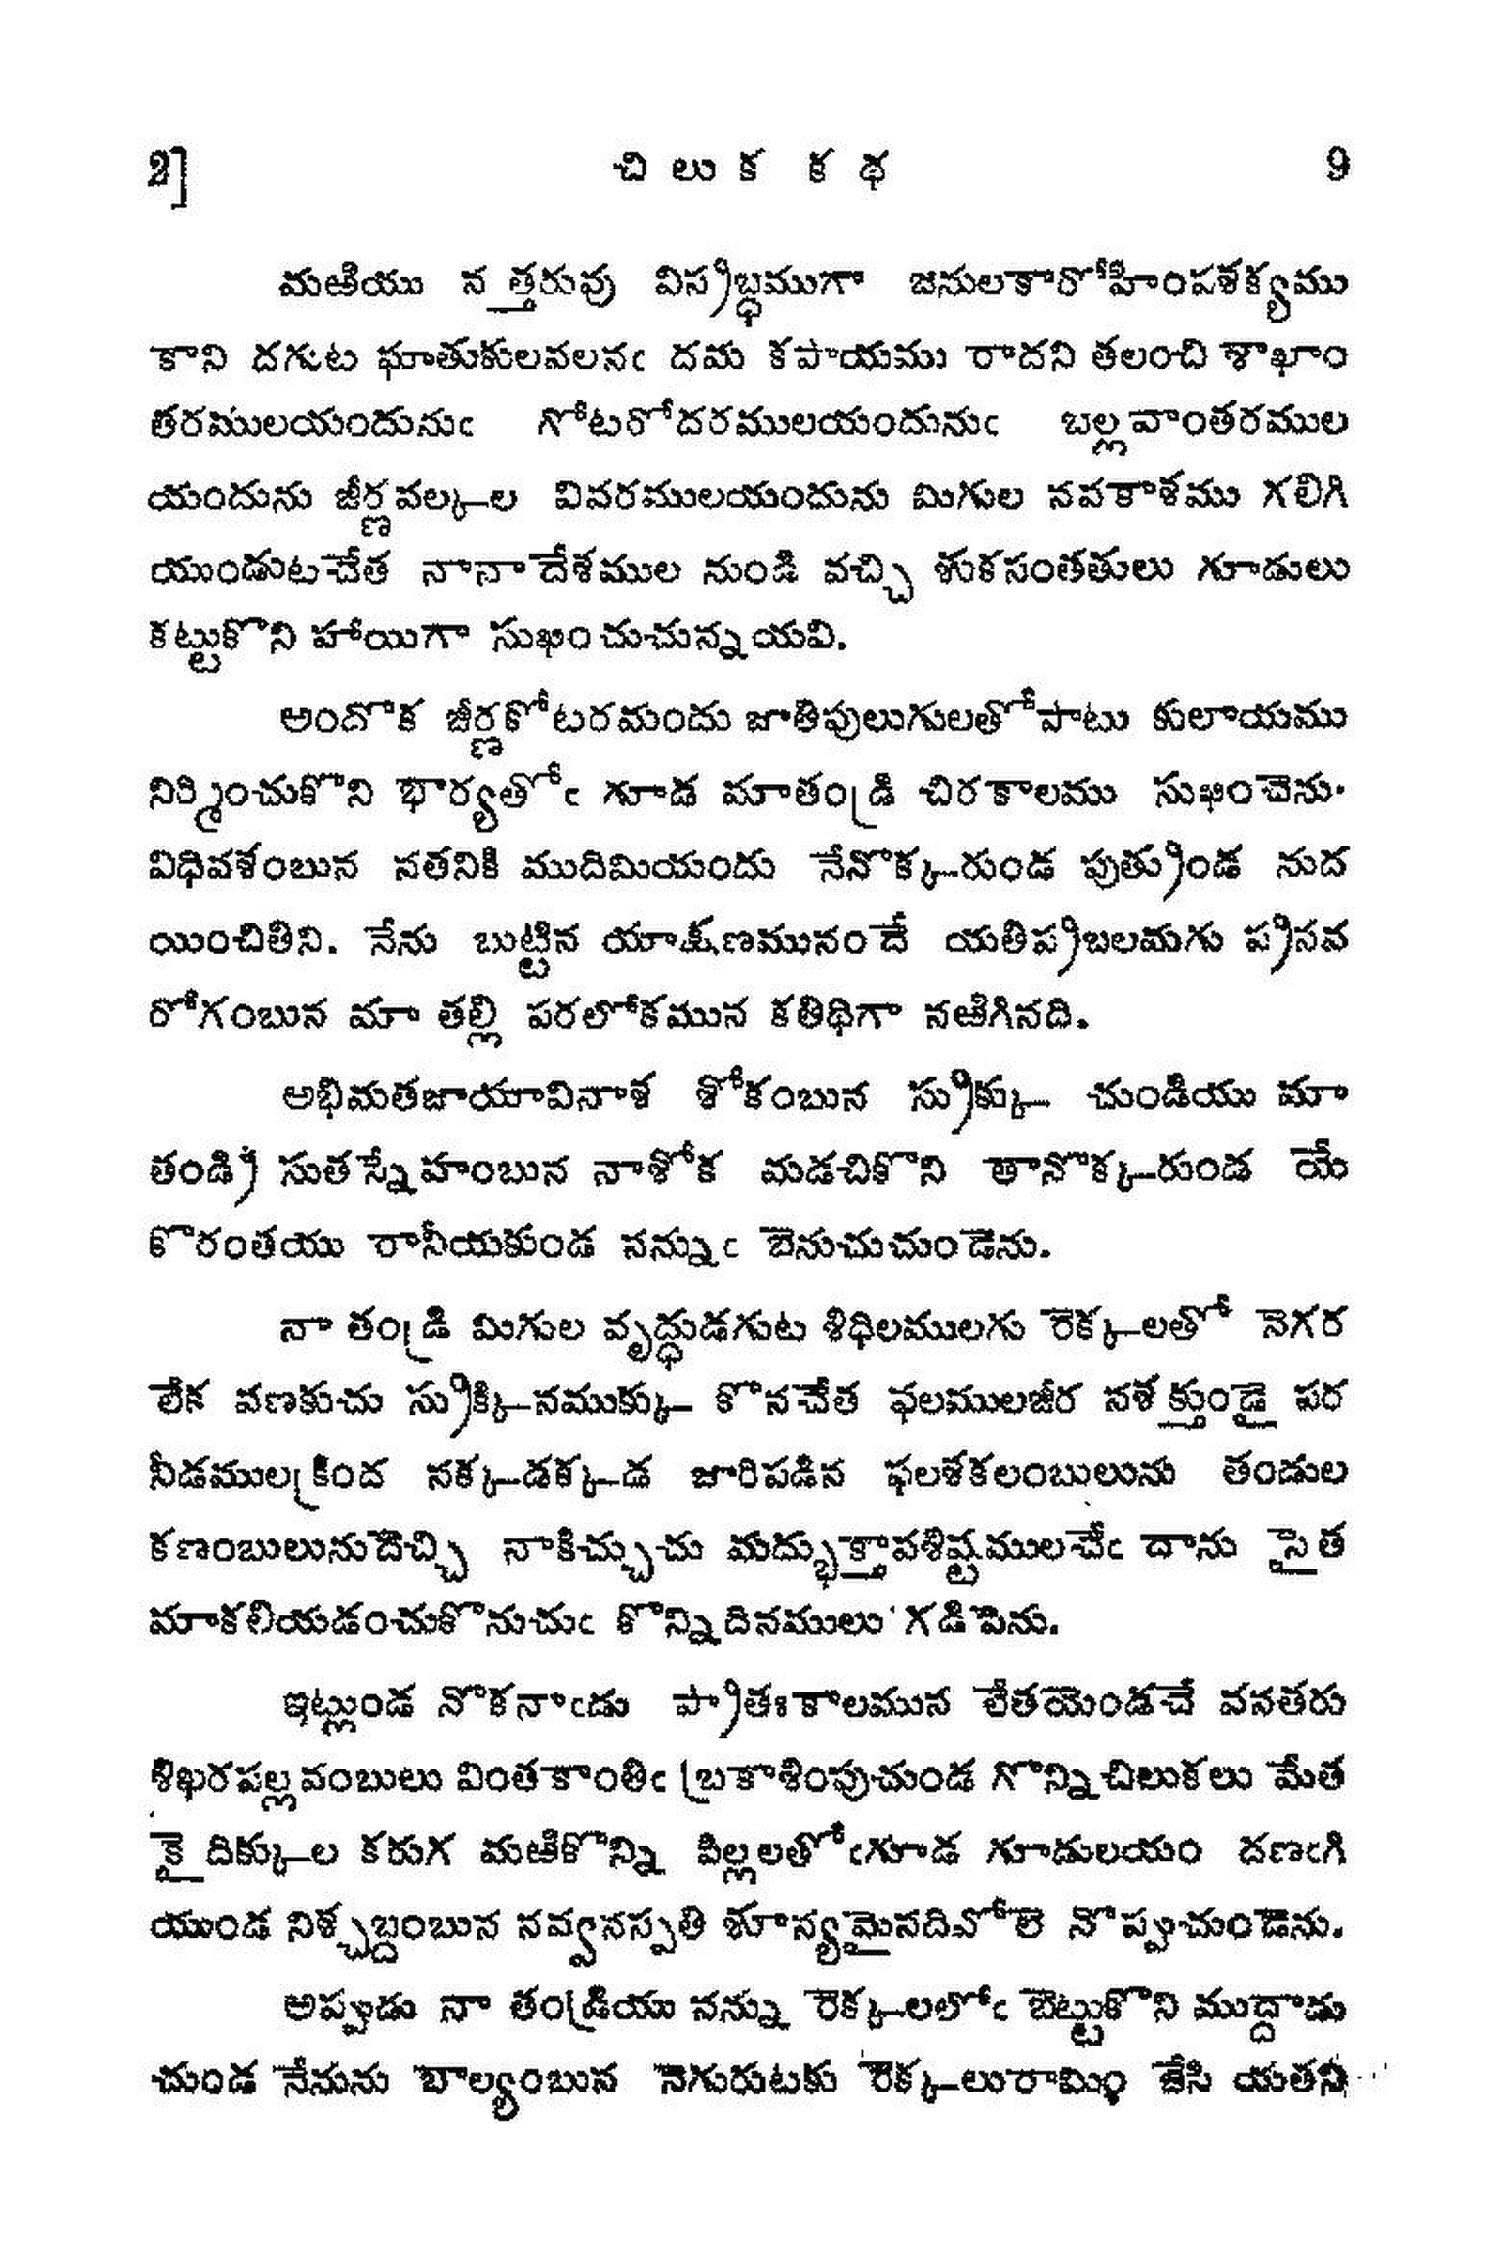మఱియు నత్తరువు విస్రబ్ధముగా జనులకారోహింపశక్యము కాని దగుట ఘాతుకులవలనఁ దమ కపాయము రాదని తలంచి శాఖాంతరములయందునుఁ గోటరోదరములయందునుఁ బల్లవాంతరముల యందును జీర్ణవల్కల వివరములయందును మిగుల నవకాశము గలిగి యుండుటచేత నానాదేశముల నుండి వచ్చి శుకసంతతులు గూడులు కట్టుకొని హాయిగా సుఖించుచున్నయవి.

అందొక జీర్ణకోటరమందు జాతిపులుగులతోపాటు కులాయము నిర్మించుకొని భార్యతోఁ గూడ మాతండ్రి చిరకాలము సుఖించెను. విధివశంబున నతనికి ముదిమియందు నేనొక్కరుండ పుత్రుండ నుద యించితిని. నేను బుట్టిన యాక్షణమునందే యతిప్రబలమగు ప్రసవ రోగంబున మా తల్లి పరలోకమున కతిథిగా నఱిగినది.

అభిమతజాయావినాశ శోకంబున స్రుక్కు చుండియు మా తండ్రి సుతస్నేహంబున నాశోక మడచికొని తానొక్కరుండ యే కొరంతయు రానీయకుండ నన్నుఁ బెనుచుచుండెను.

నాతండ్రి మిగుల వృద్ధుడగుట శిధిలములగు రెక్కలతో నెగర లేక వణకుచు స్రుక్కినముక్కు కొనచేత ఫలములజీర నశక్తుండై పర నీడములక్రింద నక్కడక్కడ జారిపడిన ఫలశకలంబులును తండుల కణంబులునుదెచ్చి నాకిచ్చుచు మద్భుక్తావశిష్టములచేఁ దాను సైత మాకలియడంచుకొనుచుఁ కొన్నిదినములు గడిపెను.

ఇట్లుండ నొకనాఁడు ప్రాఃతకాలమున లేతయెండచే వనతరు శిఖరపల్లవంబులు వింతకాంతిఁ బ్రకాశింపుచుండ గొన్నిచిలుకలు మేత కై దిక్కుల కరుగ మఱికొన్ని పిల్లలతోఁగూడ గూడులయం దణఁగి యుండ నిశ్చబ్దంబున నవ్వనస్పతి శూన్యమైనదివోలె నొప్పుచుండెను.

అప్పుడు నా తండ్రియు నన్ను రెక్కలలోఁ బెట్టుకొని ముద్దాడుచుండ నేనును బాల్యంబున నెగురుటకు రెక్కలురామిం జేసి యతని

`